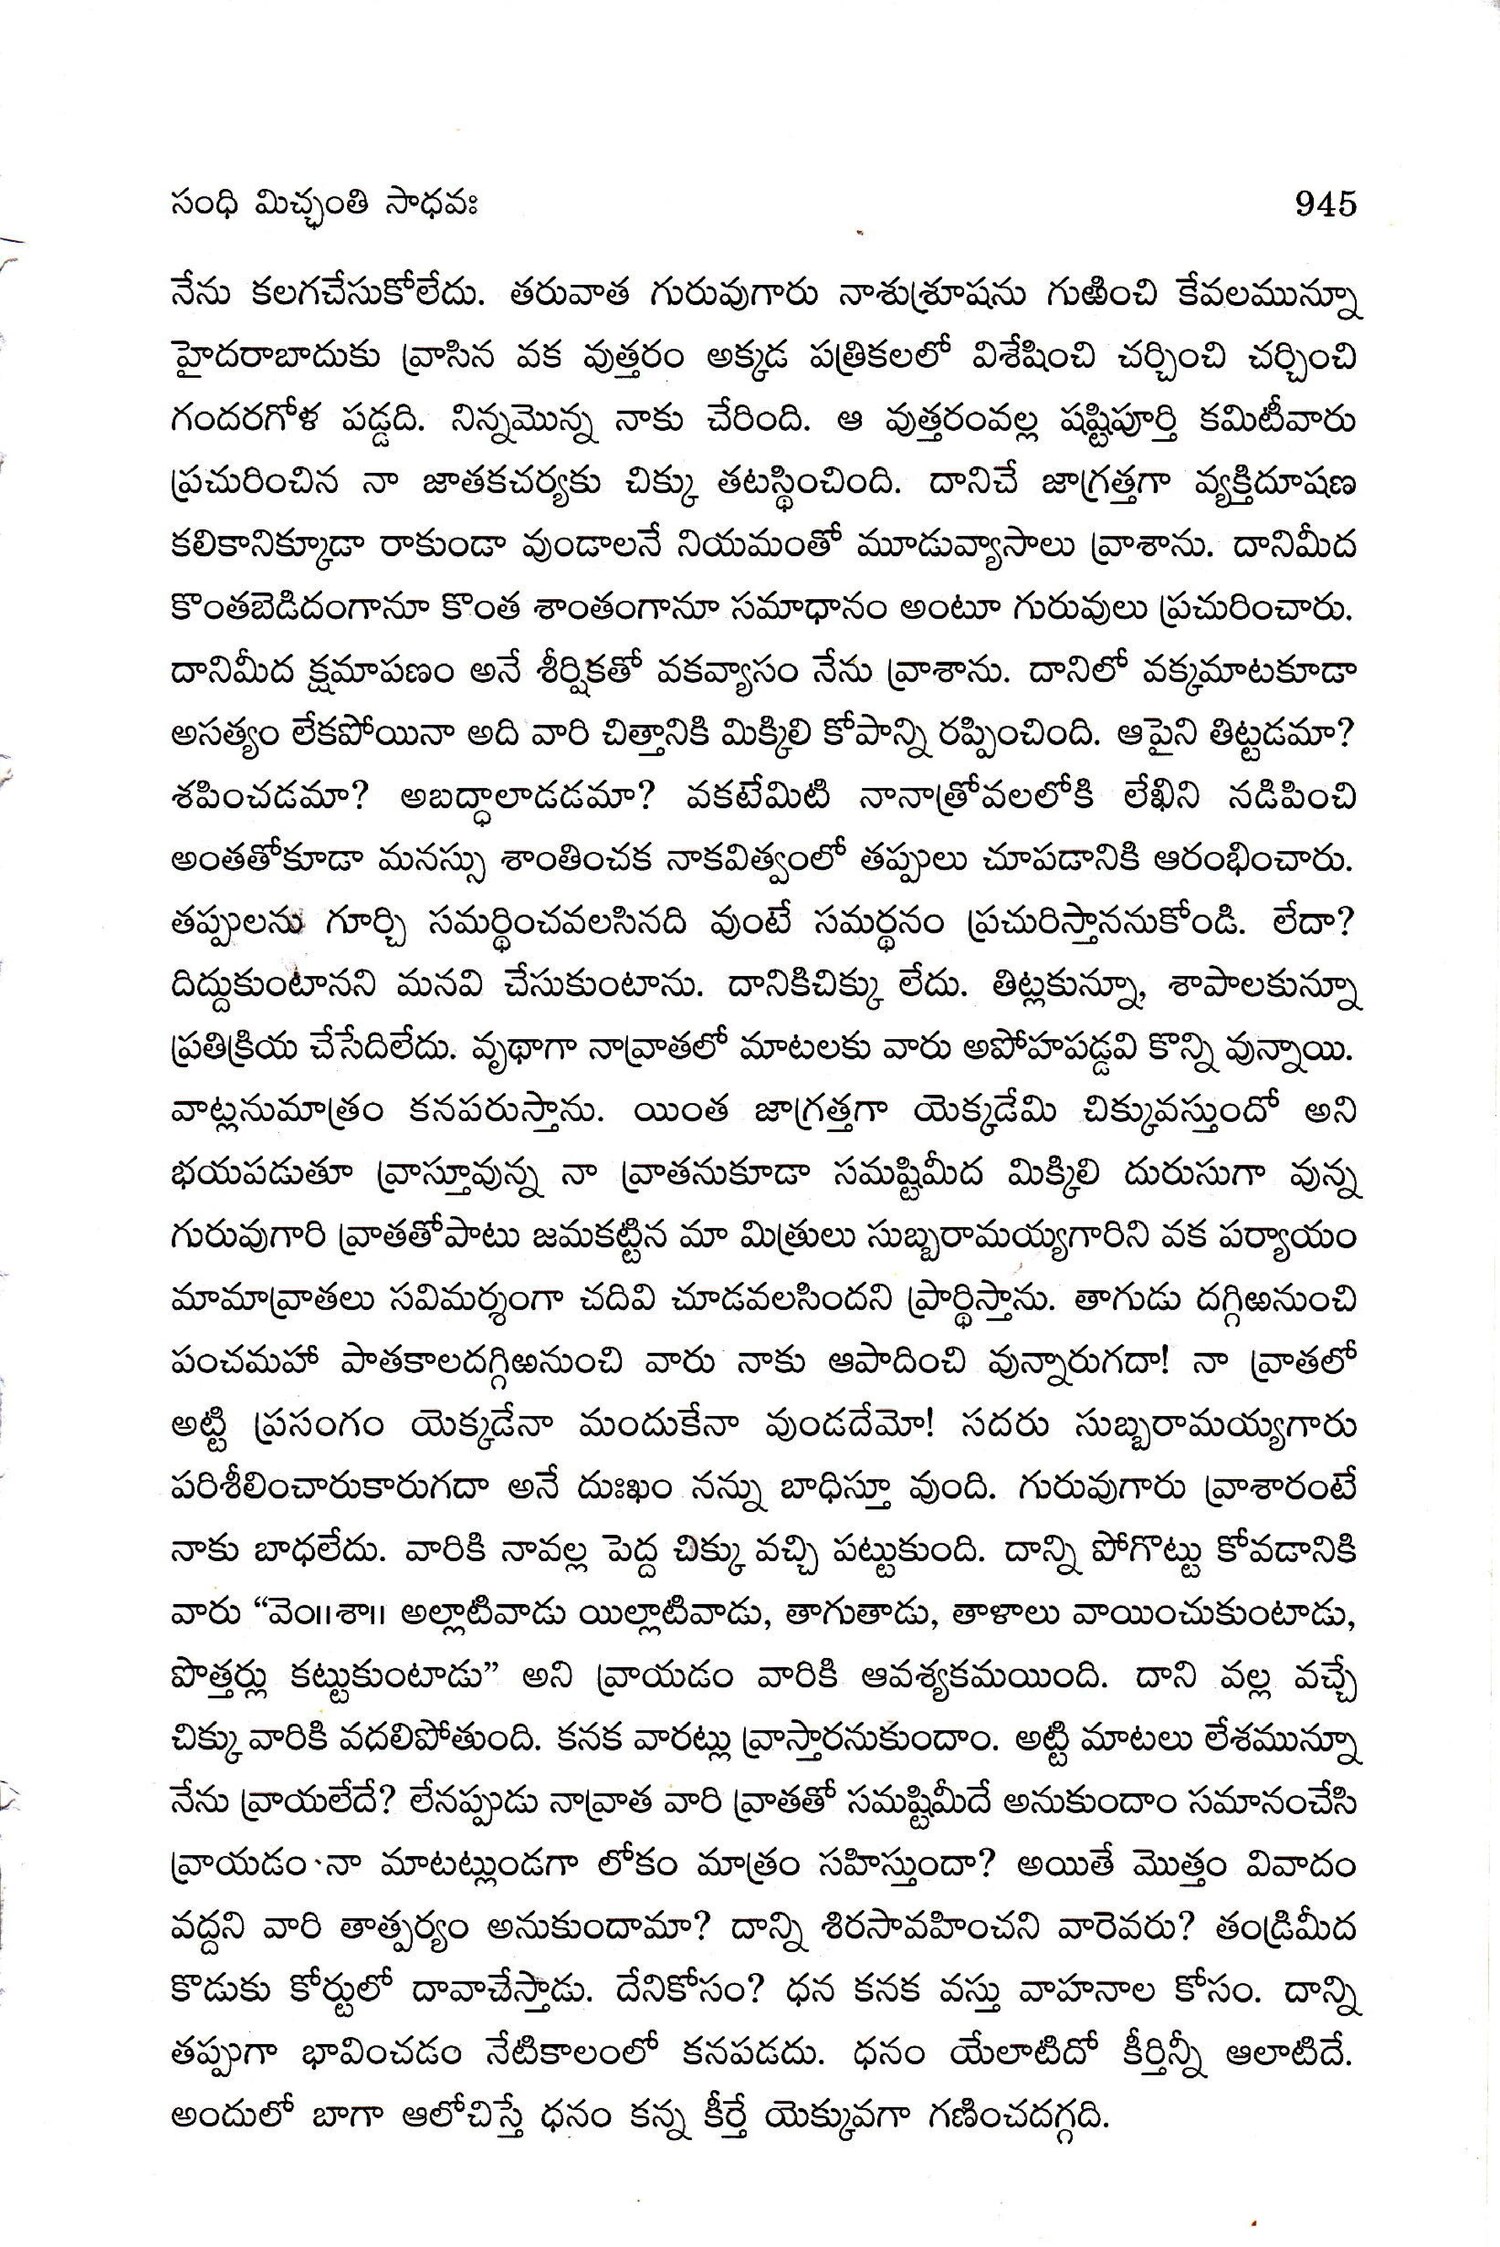నేను కలగచేసుకోలేదు. తరువాత గురువుగారు నాశుశ్రూషను గుఱించి కేవలమున్నూ హైదరాబాదుకు వ్రాసిన వక వుత్తరం అక్కడ పత్రికలలో విశేషించి చర్చించి చర్చించి గందరగోళ పడ్డది. నిన్నమొన్న నాకు చేరింది. ఆ వుత్తరంవల్ల షష్టిపూర్తి కమిటీవారు ప్రచురించిన నా జాతకచర్యకు చిక్కు తటస్థించింది. దానిచే జాగ్రత్తగా వ్యక్తిదూషణ కలికానిక్కూడా రాకుండా వుండాలనే నియమంతో మూడువ్యాసాలు వ్రాశాను. దానిమీద కొంతబెడిదంగానూ కొంత శాంతంగానూ సమాధానం అంటూ గురువులు ప్రచురించారు. దానిమీద క్షమాపణం అనే శీర్షికతో వకవ్యాసం నేను వ్రాశాను. దానిలో వక్కమాటకూడా అసత్యం లేకపోయినా అది వారి చిత్తానికి మిక్కిలి కోపాన్ని రప్పించింది. ఆపైని తిట్టడమా? శపించడమా? అబద్ధాలాడడమా? వకటేమిటి నానాత్రోవలలోకి లేఖిని నడిపించి అంతతోకూడా మనస్సు శాంతించక నాకవిత్వంలో తప్పులు చూపడానికి ఆరంభించారు. తప్పులను గూర్చి సమర్థించవలసినది వుంటే సమర్ధనం ప్రచురిస్తాననుకోండి. లేదా? దిద్దుకుంటానని మనవి చేసుకుంటాను. దానికిచిక్కు లేదు. తిట్లకున్నూ, శాపాలకున్నూ ప్రతిక్రియ చేసేదిలేదు. వృథాగా నా వ్రాతలో మాటలకు వారు అపోహపడ్డవి కొన్ని వున్నాయి. వాట్లను మాత్రం కనపరుస్తాను. యింత జాగ్రత్తగా యెక్కడేమి చిక్కువస్తుందో అని భయపడుతూ వ్రాస్తూవున్న నా వ్రాతనుకూడా సమష్టిమీద మిక్కిలి దురుసుగా వున్న గురువుగారి వ్రాతతోపాటు జమకట్టిన మా మిత్రులు సుబ్బరామయ్యగారిని వక పర్యాయం మామా వ్రాతలు సవిమర్శంగా చదివి చూడవలసిందని ప్రార్ధిస్తాను. తాగుడు దగ్గిఱనుంచి పంచమహా పాతకాలదగ్గిఱనుంచి వారు నాకు ఆపాదించి వున్నారుగదా! నా వ్రాతలో అట్టి ప్రసంగం యెక్కడేనా మందుకేనా వుండదేమో! సదరు సుబ్బరామయ్యగారు పరిశీలించారుకారుగదా అనే దుఃఖం నన్ను బాధిస్తూ వుంది. గురువుగారు వ్రాశారంటే నాకు బాధలేదు. వారికి నావల్ల పెద్ద చిక్కు వచ్చి పట్టుకుంది. దాన్ని పోగొట్టు కోవడానికి వారు “వెంllశాII అల్లాటివాడు యిల్లాటివాడు, తాగుతాడు, తాళాలు వాయించుకుంటాడు, పొత్తర్లు కట్టుకుంటాడు" అని వ్రాయడం వారికి ఆవశ్యకమయింది. దాని వల్ల వచ్చే చిక్కువారికి వదలిపోతుంది. కనక వారట్లు వ్రాస్తారనుకుందాం. అట్టి మాటలు లేశమున్నూ నేను వ్రాయలేదే? లేనప్పుడు నా వ్రాత వారి వ్రాతతో సమష్టిమీదే అనుకుందాం సమానంచేసి వ్రాయడం నా మాటట్లుండగా లోకం మాత్రం సహిస్తుందా? అయితే మొత్తం వివాదం వద్దని వారి తాత్పర్యం అనుకుందామా? దాన్ని శిరసావహించని వారెవరు? తండ్రిమీద కొడుకు కోర్టులో దావాచేస్తాడు. దేనికోసం? ధన కనక వస్తు వాహనాల కోసం. దాన్ని తప్పుగా భావించడం నేటికాలంలో కనపడదు. ధనం యేలాటిదో కీర్తిన్నీ ఆలాటిదే. అందులో బాగా ఆలోచిస్తే ధనం కన్న కీర్రే యెక్కువగా గణించదగ్గది.